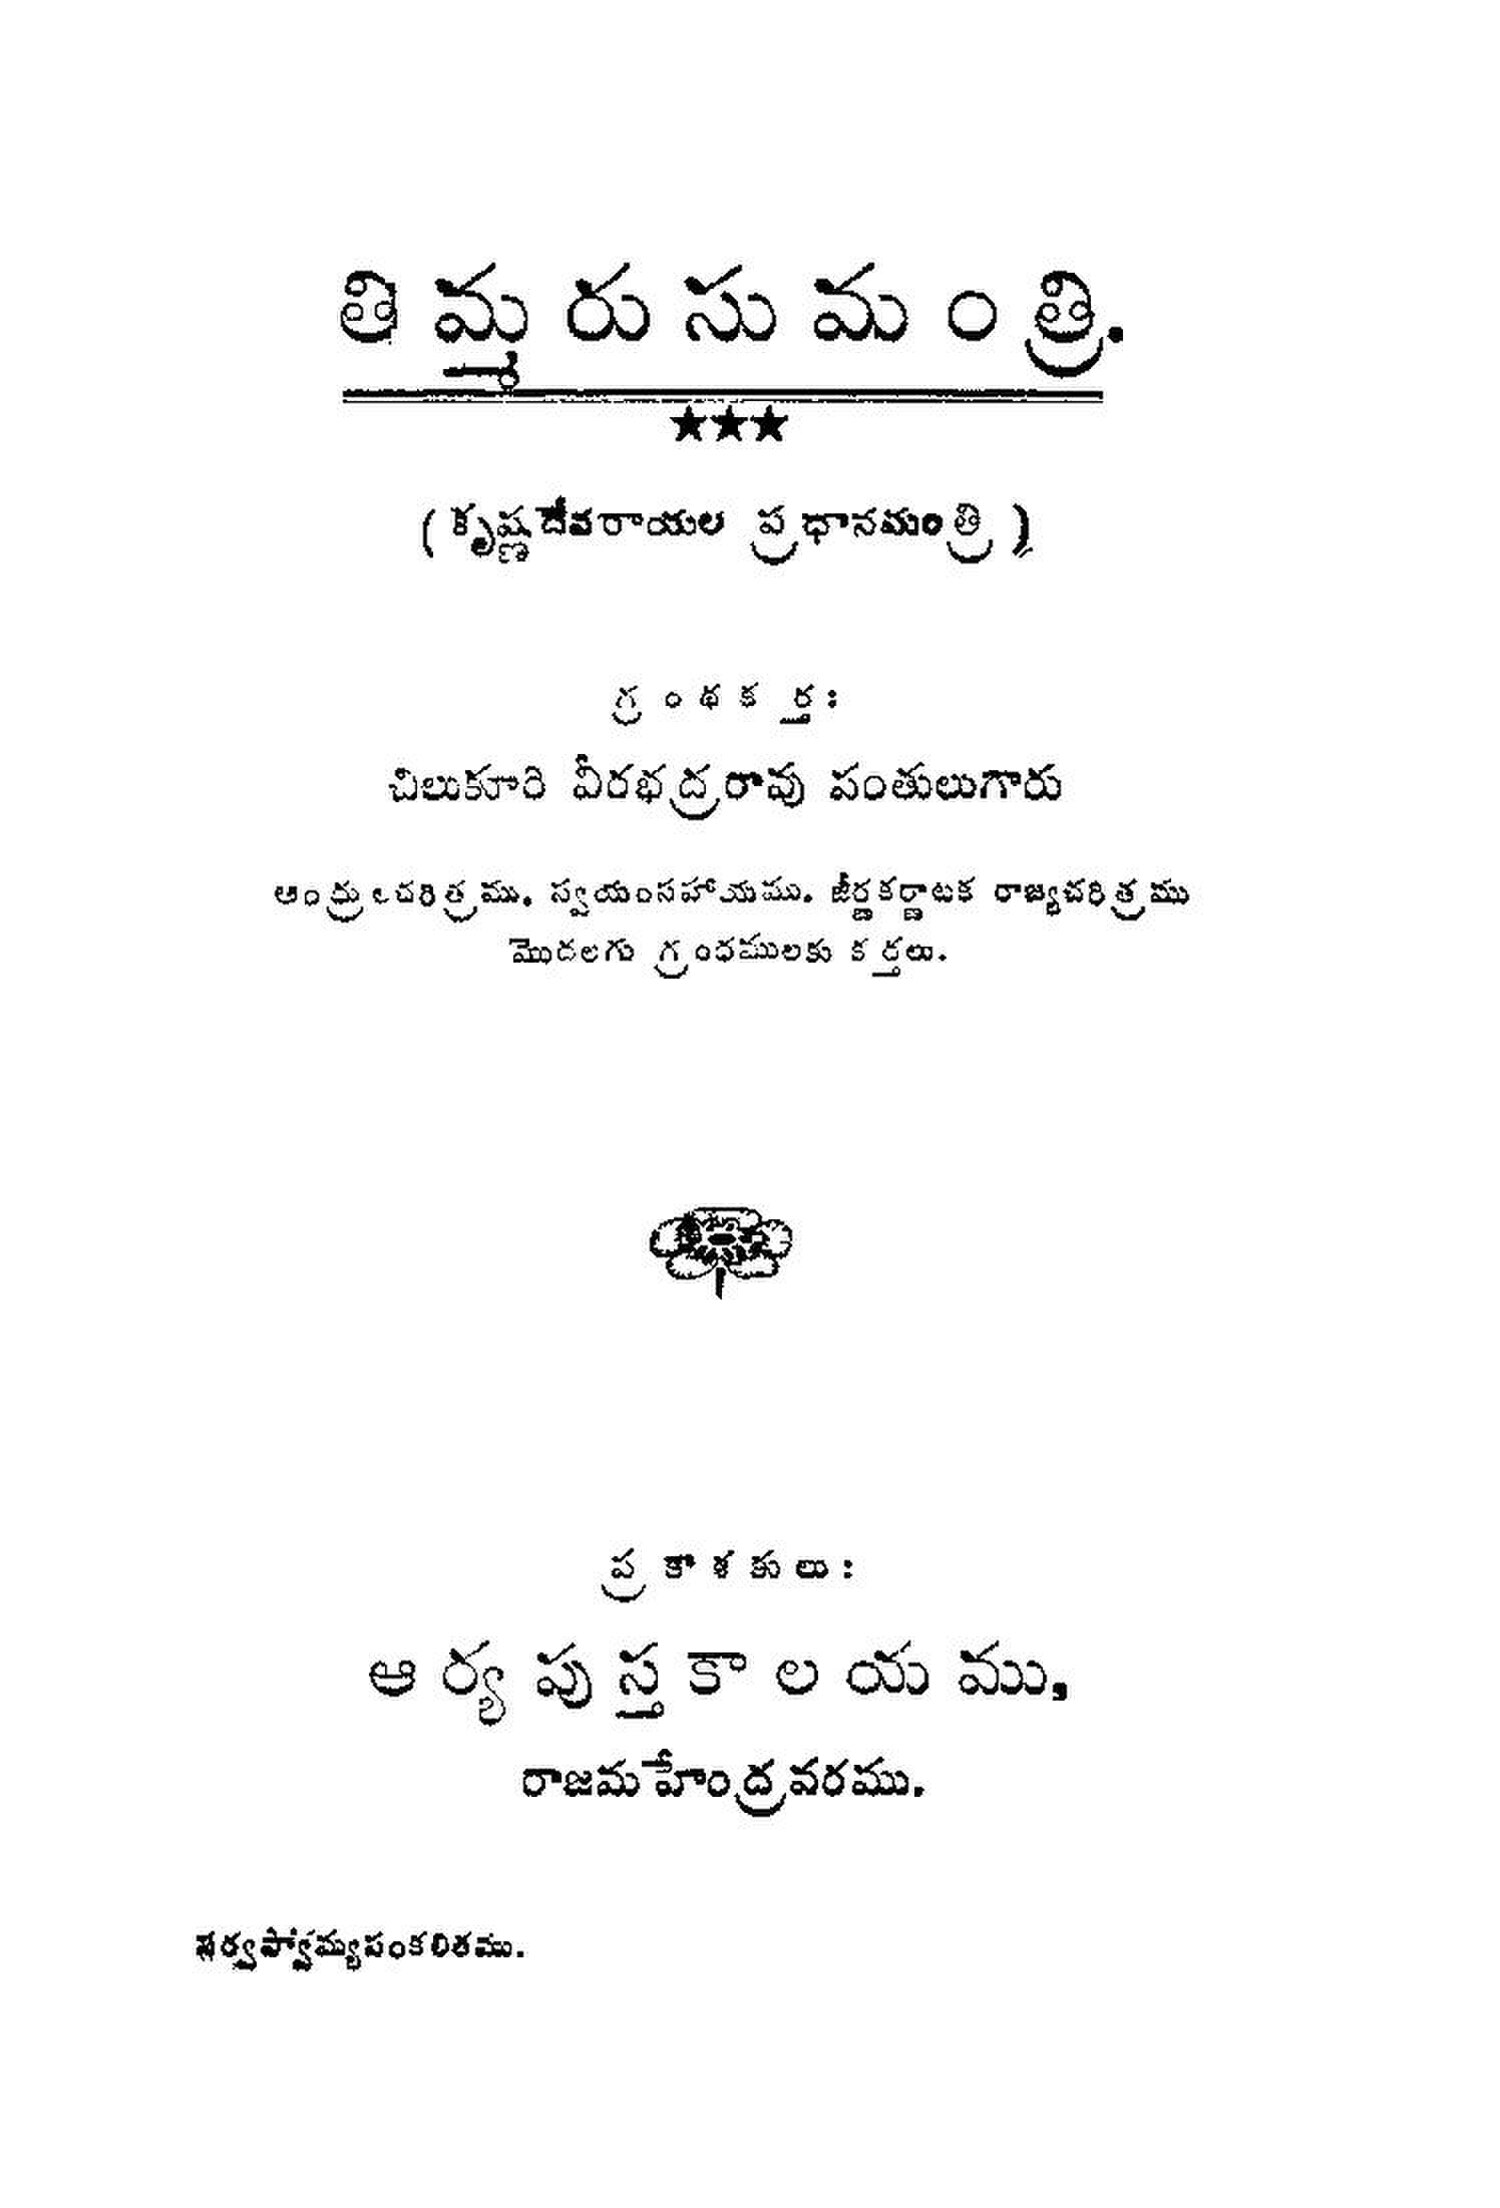తిమ్మరుసుమంత్రి
(కృష్ణదేవరాయల ప్రధానమంత్రి)

గ్రంథకర్తః
చిలుకూరి వీరభద్రరావు పంతులుగారు

ఆంధ్రులచరిత్రము, స్వయంసహాయము, జీర్ణకర్ణాటక రాజ్యచరిత్రము మొదలగు గ్రంథములకు కర్తలు

ప్రకాశకులుః
ఆర్యపుస్తకాలయము
రాజమహేంద్రవరము

సర్వస్వామ్యసంకలితము.